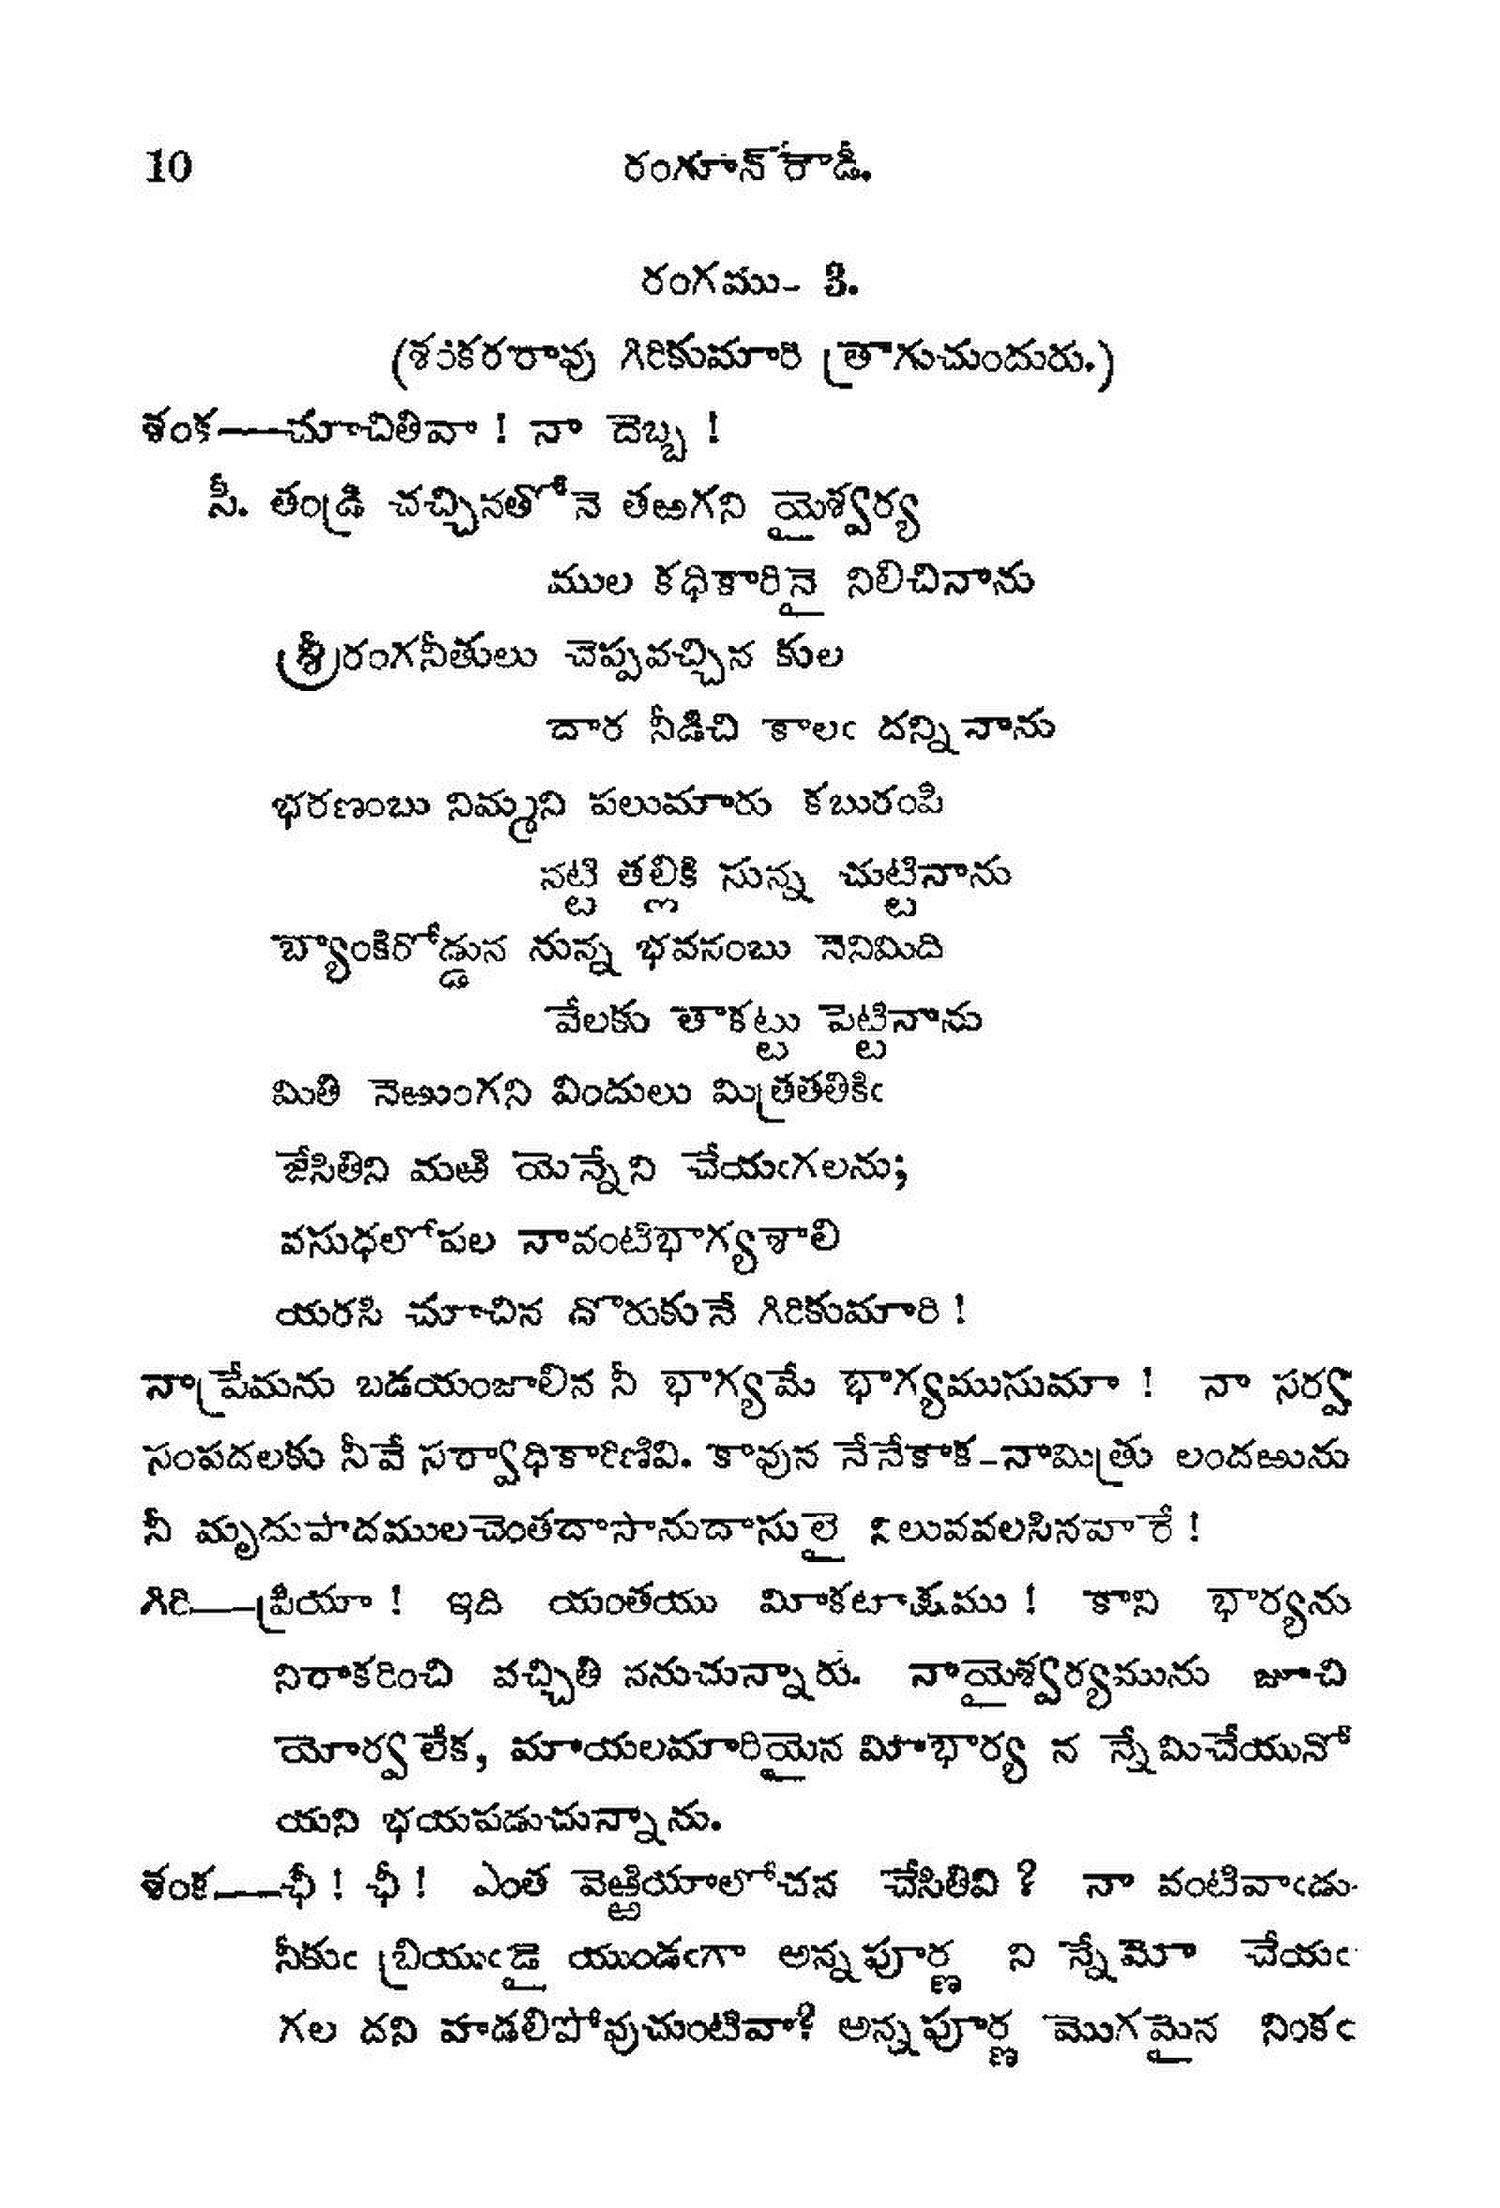శంక - చూచితివా ! నా దెబ్బ !

సీ. తండ్రి చచ్చినతోనే తఱగని యైశ్వర్య
 ముల కధికారినై నిలిచినాను
 శ్రీరంగనీతులు చెప్పవచ్చిన కుల
 దార నీడిచి కాలఁ దన్నినాను
 భరణంబు నిమ్మని పలుమారు కబురంపి
 నట్టి తల్లికి సున్న చుట్టినాను
 బ్యాంకి రోడ్డున నున్న భవనంబు నెనిమిది
 వేలకు తాకట్టు పెట్టినాను

 మితి నెఱుంగని విందులు మిత్రతతికిఁ
 జేసితిని మఱి యెన్నేని చేయఁగలను;
 వసుధలోపల నావంటిభాగ్యశాలి
 యరసి చూచిన దొరుకునే గిరికుమారి!
నాప్రేమను బడయంజాలిన నీ భాగ్యమే భాగ్యముసుమా ! నా సర్వసంపదలకు నీవే సర్వాధికారిణివి. కావున నేనేకాక - నామిత్రు లందఱును నీ మృదుపాదములచెంతదాసానుదాసులై నిలువవలసినవారే !

గిరి - ప్రియా ! ఇది యంతయు మీకటాక్షము ! కాని భార్యను నిరాకరించి వచ్చితి ననుచున్నారు. నాయైశ్వర్యమును జూచి యోర్వలేక, మాయలమారియైన మీభార్య న న్నేమిచేయునో యని భయపడుచున్నాను.

శంక - ఛీ ! ఛీ! ఎంత వెఱ్ఱియాలోచన చేసితివి ? నా వంటివాఁడు. నీకుఁ బ్రియుఁడై యుండఁగా అన్నపూర్ణ నిన్నేమో చేయఁగల దని హడలిపోవుచుంటివా? అన్నపూర్ణ మొగమైన నింకఁ